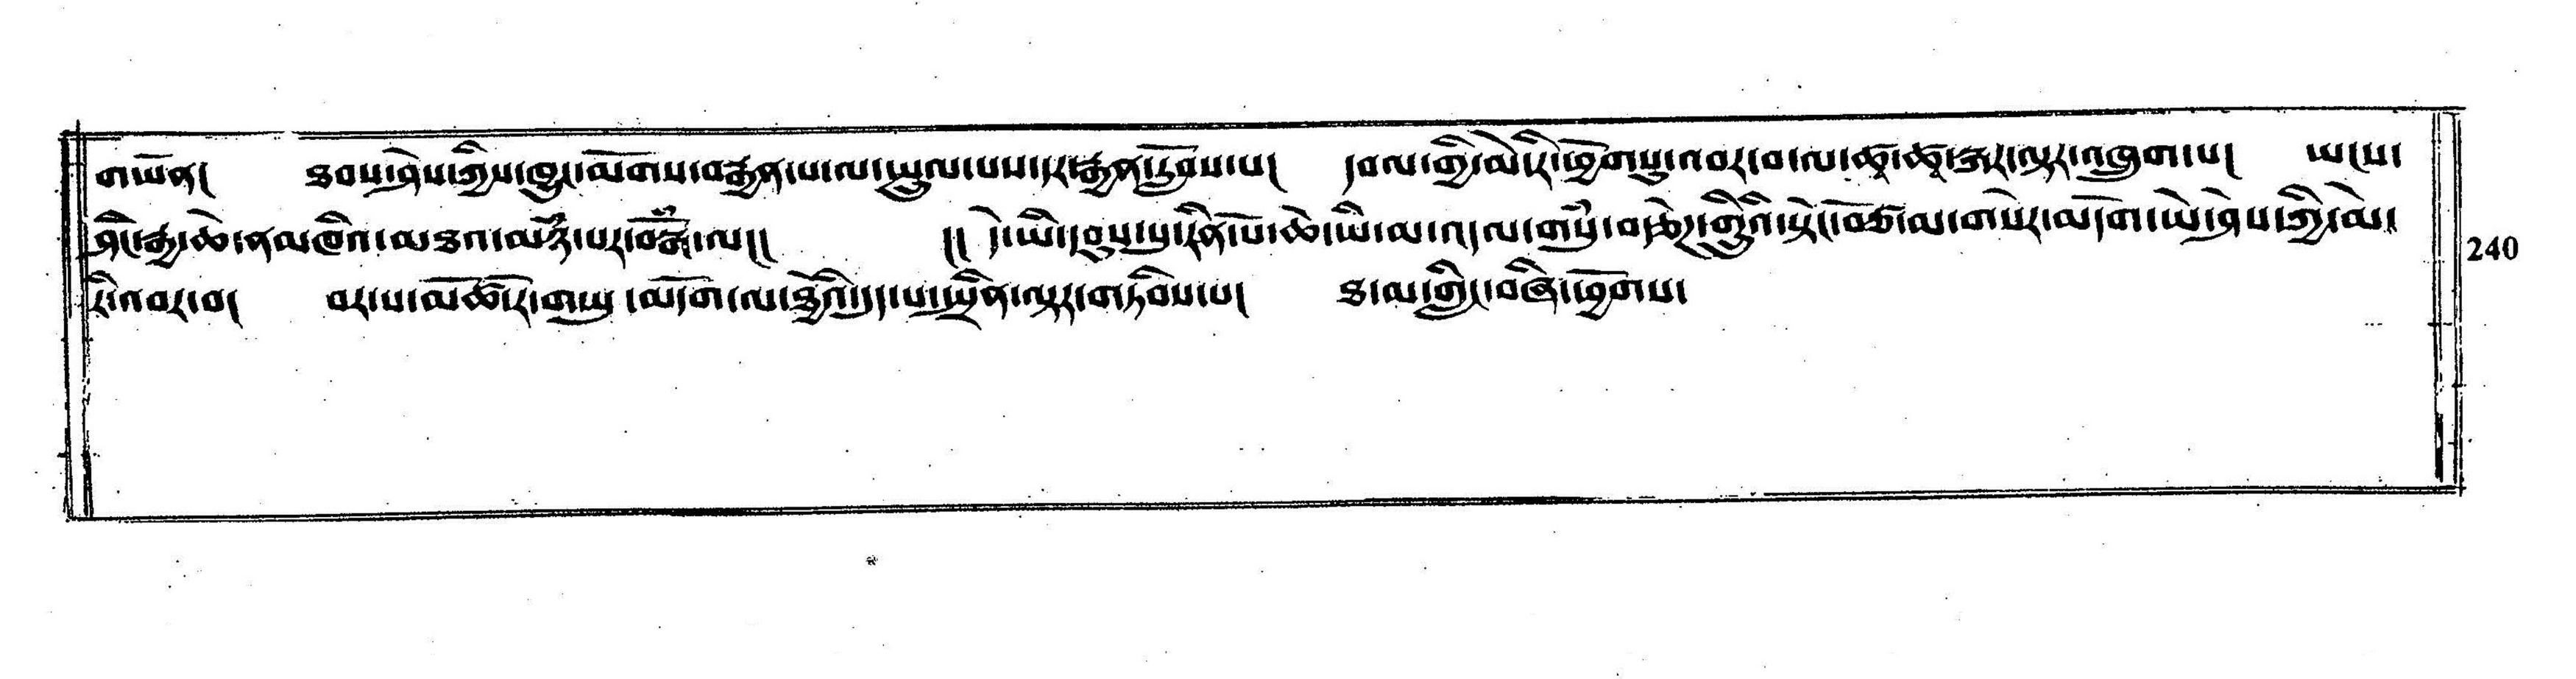གཡོན། ཐབས་ཤེས་ཀྱིས་ཁྱུང་མགོས་བརྒྱན་པ་ལ་སྤྲུལ་པས་དར་རྒྱན་རློབས་པ། དབལ་གྱི་མེ་རི་ཕྱོགས་སུ་འབར་བ་ལ་ཚྭ་ཚྭ་སྐར་ལྟར་འཁྲུག་པ། ཡངས་
ཤིང་རྒྱ་ཆེ་ནམ་མཁའི་མཐའ་མཉམ་པར་བསྒོམ་ལ།། །།དེ་ཡི་དབུས་སུ་རིན་པོ་ཆེ་ཡི་མ་འདལ་གསུམ་བརྩེགས་གྲུ་བཞིའི་སྟེང་བཙོ་མ་གསེར་མདོག་ཡེ་ཤེས་ཀྱི་མེ་
རི་འབར་བ། བར་པ་མཚོ་རོ་གཡུ་མདོག་ལ་ཐུགས་རྗེའི་དུད་པ་སྤྲིན་ལྟར་གཏིབས་པ། ཐ་མ་གླིང་བཞི་ཕྱོགས་